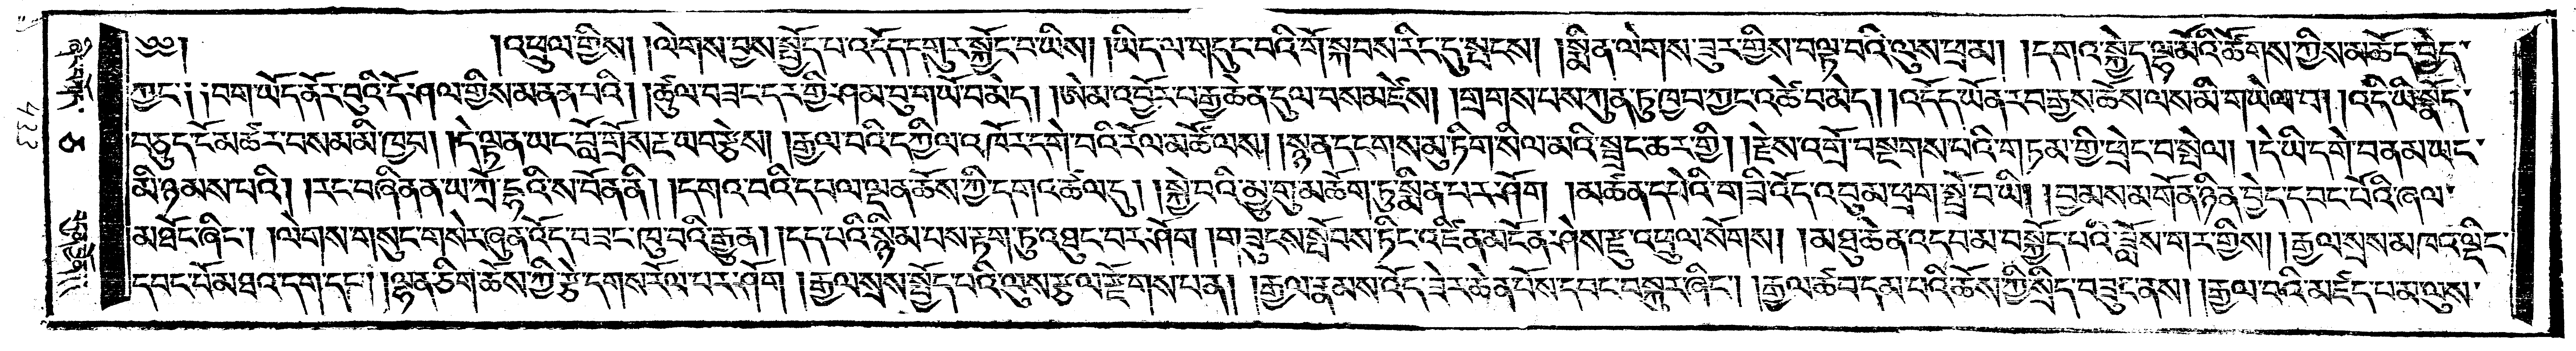༄༅། །འཕྲུལ་གྱིས། །ལེགས་བྱས་སྤྱོད་པ་འདོད་དགུར་སྐྱོང་བ་ཡིས། །ཡིད་ལ་གདུང་བའི་གོ་སྐབས་རིང་དུ་སྤངས། །སྨིན་ལེགས་ཟུར་གྱིས་བལྟ་བའི་ལུས་ཕྲམ། །དགའ་སྐྱེད་ལྷ་མོའི་ཚོགས་ཀྱིས་མཆོད་བྱེད་
ཀྱང༑ ༑བག་ཡོད་ནོར་བུའི་དོ་ཤལ་གྱིས་མནན་པའི། །ཚུལ་བཟང་དར་གྱི་ཤམ་བུ་གཡོ་བ་མེད། །ཨེ་མ་འབྱོར་བ་རྒྱ་ཆེན་དུལ་བས་མཛེས། །གྲགས་པས་ཀུན་ཏུ་ཁྱབ་ཀྱང་འཚེ་པ་མེད། །འདོད་ཡོན་རབ་རྒྱས་ཆོས་ལས་མི་གཡེལ་བ། །འདི་མི་སྣོད་
བཅུད་ངོ་མཚར་བསམ་མི་ཁྱབ། །དེ་ལྟ་ན་ཡང་བློ་གྲོས་རྔལ་བ་རྩེས། །རྒྱལ་བའི་དཀྱིལ་འཁོར་དགེ་བའི་རོལ་མཚོ་ལས། །སྙན་དངགས་མུ་ཏིག་སིལ་མའི་སྦྲང་ཆར་གྱི། །རྗེས་འགྲོ་བསྔགས་བའི་གཏམ་གྱི་ཕྲེང་བ་སྤེལ། །དེ་ཡི་དགེ་བ་ནམ་ཡང་
མི་ཉམས་པའི། །རང་བཞིན་ན་ཡ་ཀྲོ་དྷའི་ས་བོན་ནི། །དགའ་བའི་དཔལ་ལྡན་ཆོས་ཀྱི་དགའ་ཚལ་དུ། །སྐྱེ་བའི་མྱུ་གུ་མཆོག་ཏུ་སྨིན་པར་ཤོག །མཚན་དཔེའི་གཟི་འོད་འབུམ་ཕྲག་སྤྲོ་བ་ཡི། །བྱམས་མགོན་ཉིན་བྱེད་དབང་པོའི་ཞལ་
མཐོང་ཞིང་། །ལེགས་གསུང་གསེར་ཞུན་འོད་བཟང་ཁུ་བའི་རྒྱུན། །དད་པའི་སྙིམ་པས་རྟག་ཏུ་འཐུང་བར་ཤོག །གཟུངས་སྤོབས་ཏིང་འཛིན་མངོན་ཤེས་རྫུ་འཕྲུལ་སོགས། །མཐུ་ཆེན་འདབ་མ་བསྐྱོད་པའི་ཟློས་གར་གྱིས། །རྒྱལ་སྲས་མཁའ་ལྡིང་
དབང་པོ་མཐའ་དག་དང་། །ལྷན་ཅིག་ཆོས་ཀྱི་རྩེ་དགས་རོལ་བར་ཤོག །རྒྱལ་སྲས་སྤྱོད་པའི་ལུས་རྩལ་རྫོགས་པ་ན། །རྒྱལ་རྣམས་འོད་ཟེར་ཆེན་པོས་དབང་བསྐུར་ཞིང་། །རྒྱལ་ཚབ་དམ་པའི་ཆོས་ཀྱི་སྲིད་བཟུང་ནས། །རྒྱལ་བའི་མཛད་པ་མ་ལུས་